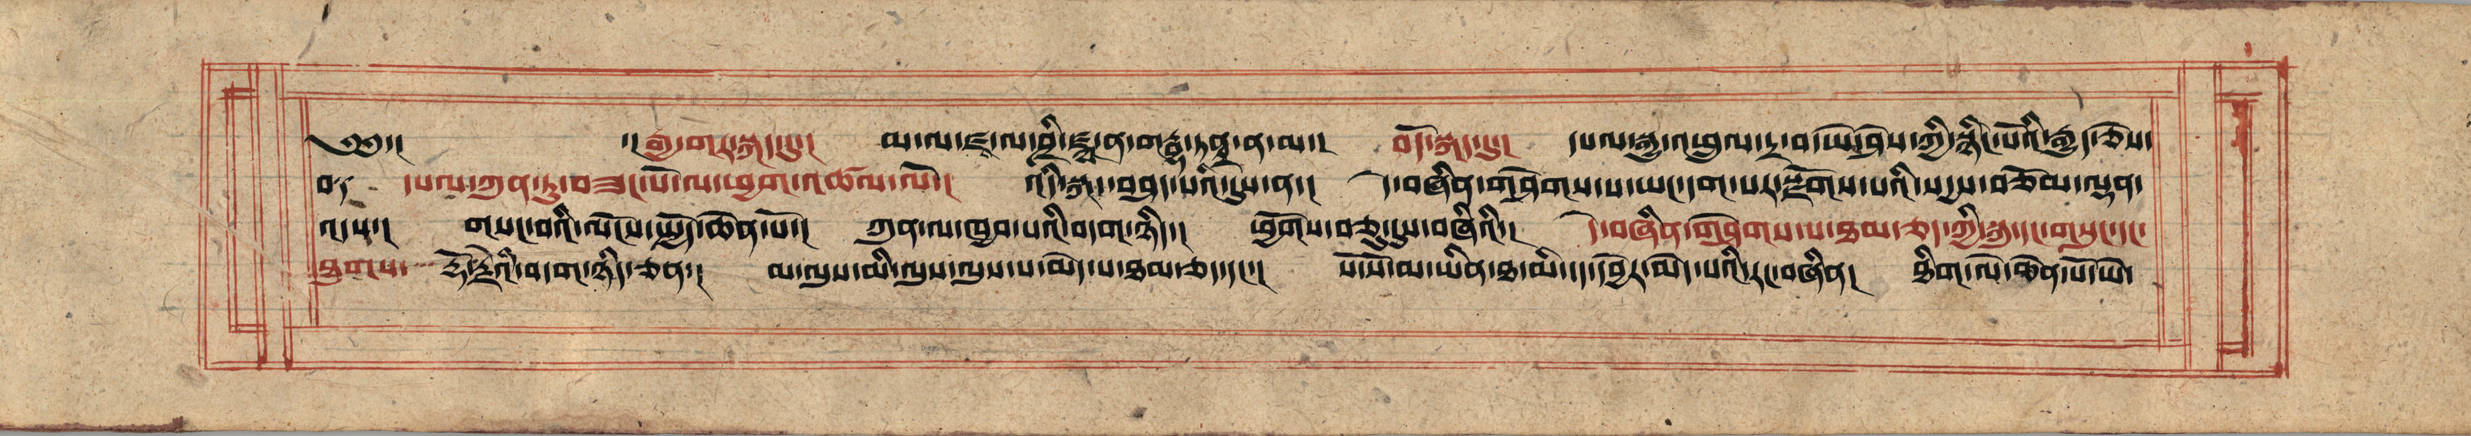༄༅་། ་།རྒྱ་གར་སྐད་དུ་། མ་ལ་ཛྭ་ལ་ཤྲི་ཛྙཱ་ན་གརྦྷ་ཏནྟྲ་ན་མ་། བོད་སྐད་དུ་། དཔལ་སྒྱུ་འཕྲུལ་དྲ་བ་ཡེ་ཤེས་ཀྱི་སྙིང་པོའི་རྒྱུད་ཅེས་
བ༑ དཔལ་ཀུན་ཏུ་བཟང་པོ་ལ་ཕྱག་འཚལ་ལོ་། འདི་སྐད་བཤད་པའི་དུས་ན་། དེ་བཞིན་གཤེགས་པ་ཡང་དག་པར་སྫོགས་པའི་སདྱས་བཅོམ་ལྡན་
འདས་། གསང་བའི་ལོངས་སྤྱོད་ཆེན་པོ་། ཀུན་ལ་ཁྱབ་པའི་བདག་ཉིད་། ཕྱོགས་བཅུ་དུས་བཞིའི་། དེ་བཞིན་གཤེགས་པ་ཐམས་ཅད་ཀྱྱི་སྐུ་དང་གསུང་་དང་
ཐུགས་་་་རྡོ་རྗེའི་བདག་ཉིད་ཅན་། མ་ལུས་མི་ལུས་ལུས་པ་མེད་པ་ཐམ་ཅད་དང་། སོ་སོ་མ་ཡིན་ཐ་མི་དད་དབྱེར་མེད་པའི་རང་བཞིན། ཐིག་ལེ་ཆེན་པོ་ཡེ་